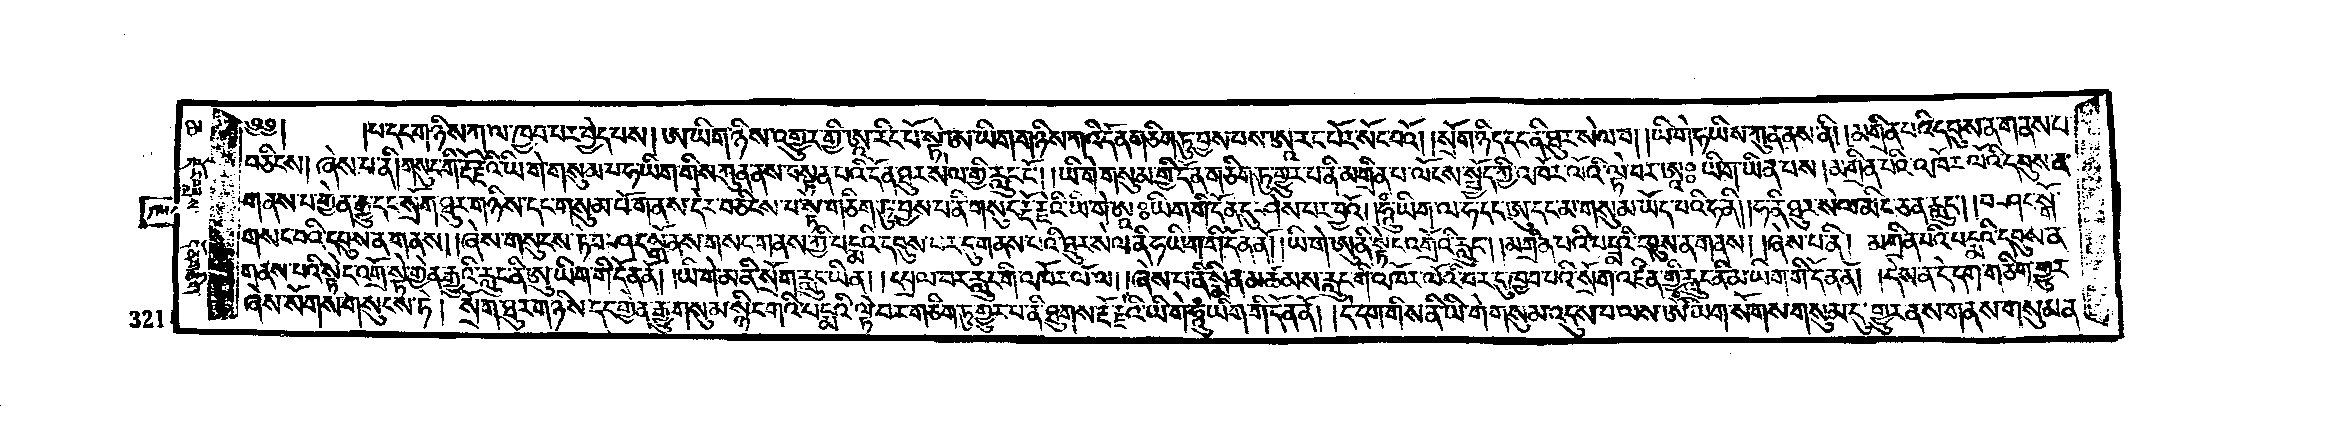༄༅། །པ་དང་གཉིས་ཀ་ལ་ཁྱབ་པར་བྱེད་པས། ཨ་ཡིག་ཉིས་འགྱུར་གྱི་ཨཱ་རིང་པོ་སྟེ་ཨ་ཡིག་གཉིས་ཀའི་དོན་གཅིག་ཏུ་བྱས་པས་ཨཱ་རང་པོར་སོང་བའོ། །སྲོག་ཉིད་དང་ནི་ཐུར་སེལ་བ། །ཡི་གེ་ཧ་ཡིས་ཀུན་ནས་ནི། །མགྲིན་པའི་དབུས་ན་གནས་པ་
བཅིངས། ཞེས་པ་ནི། གསུང་གི་རྡོ་རྗེའི་ཡི་གེ་གསུམ་པ་ཧ་ཡིག་གིས་ཀུན་ནས་བསྟན་པའི་དོན་ཐུར་སེལ་གྱི་རླུང་ངོ། །ཡི་གེ་གསུམ་གྱི་དོན་གཅིག་ཏུ་གྱུར་པ་ནི་མགྲིན་པ་ལོངས་སྤྱོད་ཀྱི་འཁོར་ལོའི་ལྟེ་བར་ཨཱཿ ཡིག་ཡིན་པས། མགྲིན་པའི་འཁོར་ལོའི་དབུས་ན་
གནས་པ་གྱེན་རྒྱུ་དང་སྲོག་ཐུར་གཉིས་དང་གསུམ་པོ་གནས་དེར་བཅིངས་པ་སྟེ་གཅིག་ཏུ་བྱས་པ་ནི་གསུང་རྡོ་རྗེའི་ཡི་གེ་ཨཱཿ ཡིག་གི་དོན་དུ་ཤེས་པར་བྱའོ། །ཧཱུཾ་ཡིག་ལ་ཧ་དང་ཨུ་དང་མ་གསུམ་ཡོད་པའི་ཧ་ནི། །ཧ་ནི་ཐུར་སེལ་མིང་ཅན་རླུང་། །བཤང་སྒོ་
གསང་བའི་དབུས་ན་གནས། །ཞེས་གསུངས་ཏེ་བཤད་སྒོ་ནས་གསང་གནས་ཀྱི་པདམའི་དབུས་བར་དུ་གནས་པའི་ཐུར་སེལ་ནི་ཧ་ཡིག་གི་དོན་ནོ། །ཡི་གེ་ཨུ་ནི་སྟེང་འགྲོའི་རླུང་། །མགྲིན་པའི་པདམའི་དབུས་ན་གནས། །ཞེས་པ་ནི། མགྲིན་པའི་པདམའི་དབུས་ན་
གནས་པའི་སྟེང་འགྲོ་སྟེ་གྱེན་རྒྱུའི་རླུང་ནི་ཨུ་ཡིག་གི་དོན་ནོ། །ཡི་གེ་མ་ནི་སྲོག་རླུང་ཡིན། །དཔྲལ་བར་རླུང་གི་འཁོར་ལོ་ལ། །ཞེས་པ་ནི་སྨིན་མཚམས་རླུང་གི་འཁོར་ལོའི་བར་དུ་ཁྱབ་པའི་སྲོག་འཛིན་གྱི་རླུང་ནི་མ་ཡིག་གི་དོན་ནོ། །དེས་ན་དེ་དག་གཅིག་གྱུར་
ཞེས་སོགས་གསུངས་ཏེ། སྲོག་ཐུར་གཉིས་དང་གྱེན་རྒྱུ་གསུམ་སྙིང་གའི་པདམའི་ལྟེ་བར་གཅིག་ཏུ་གྱུར་པ་ནི་ཐུགས་རྡོ་རྗེའི་ཡི་གེ་ཧཱུཾ་ཡིག་གི་དོན་ནོ། །དེ་དག་གིས་ནི་ཡི་གེ་གསུམ་འདུས་པ་ལས་ཨོཾ་ཡིག་སོགས་གསུམ་དུ་གྱུར་ནས་གནས་གསུམ་ན་